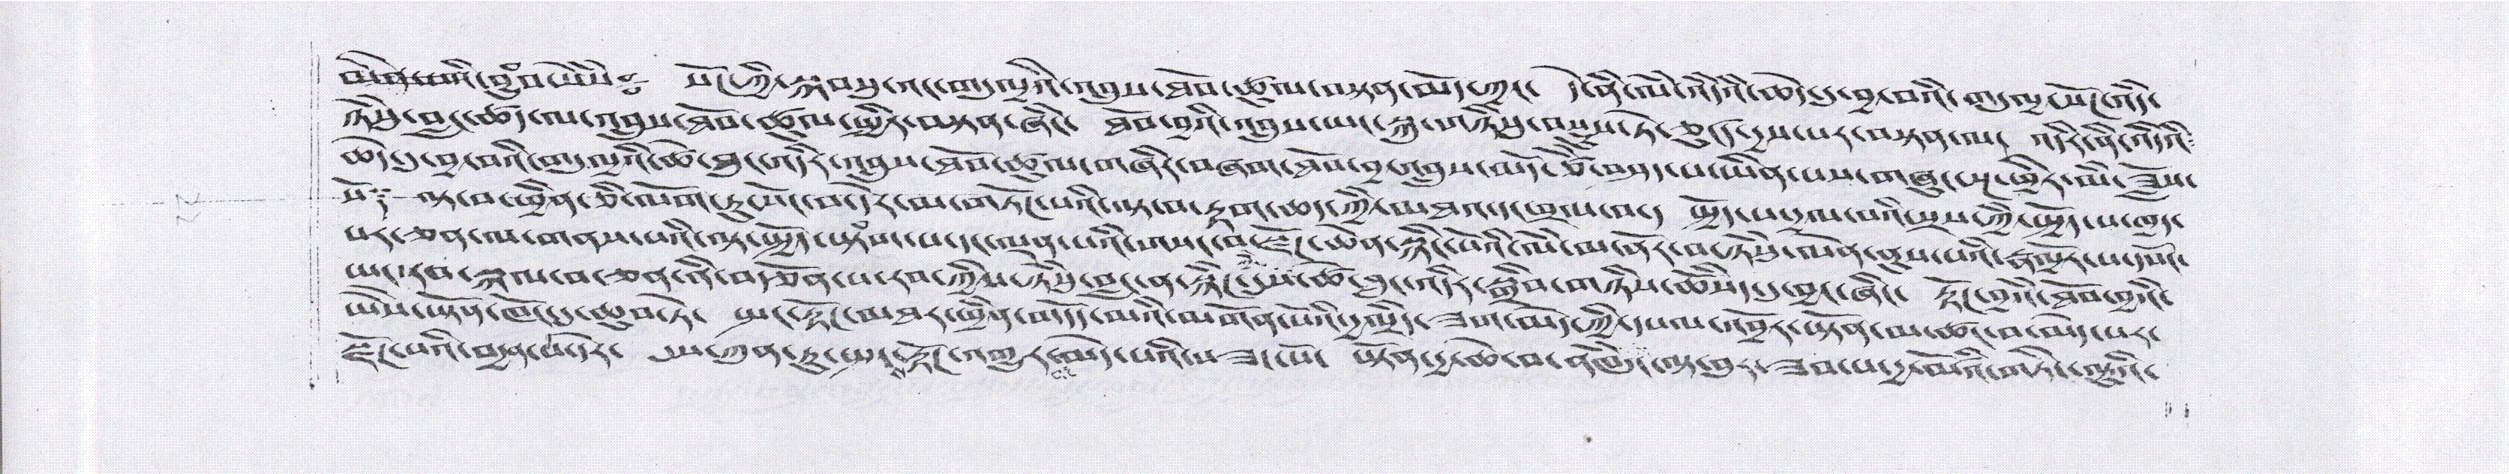བྱང་ཆུབ་སེམསཿ སོགས་ཀྱི་སྐབས་སུའང་གདུལ་བྱའི་འབྲས་བུ་ཐོབ་ཚུལ་བསྟན་མོད་ཀྱང་། དེ་ནི་ལམ་འདིའི་ཆེད་དུ་བྱ་བའི་གདུལ་བྱ་སོགས་འདི་
ཉམས་སུ་བླང་ཚད་ལ་འབྲས་བུ་ཐོབ་ཚུལ་སྤྱིར་བསྟན་ཞིང་འཐོབ་བྱའི་འབྲས་བུ་ཡང་སྐུ་གཉིས་སུ་བསྡུས་ཏེ་ཅུང་ཟད་རྒྱས་པར་བསྟན་ལ། འདིར་ནི་འདིའི་
ཆེད་དུ་བྱ་བའི་གདུལ་བྱའི་ཚེ་ཐུང་འདིར་འབྲས་བུ་ཐོབ་ཚུལ་གཞིར་བཞག་ཐོབ་བྱ་འབྲས་བུ་མདོ་ཙམ་བཤད་པ་ཡིན་པས་གཞུང་སྔ་ཕྱིར་མི་ཟློས་
སོ། ལྟ་བ་ཕྱིན་ཅི་ལོག་ཏུ་སོང་བ་དེར་མ་གཏོགས་པའི་ལྟ་བ་རྟག་ཆད་ཀྱི་མཐའ་དང་བྲལ་བ། སྤྱོད་པ་རྒྱལ་བའི་སྲས་ཀྱི་སྤྱོད་པ་ཁྱད་
པར་ཅན་ལ་གནས་པའི་ལྟ་སྤྱོད་ཡང་དག་པ་དང་ལྡན་པའི་གསང་བ་རྫོགས་ཆེན་སྙིང་པོའི་ལམ་མ་ནོར་བ་ཉམས་སུ་ལེན་ནུས་པའི་རྣལ་འབྱོར་པ་དབང་པོ་
ཡང་རབ་སྐལ་པ་ཅན་ནི་བརྩོན་པ་རབ་ཀྱིས་ཉམས་སུ་བླང་ན་སྙིགས་དུས་ཀྱི་ཚེ་ཐུང་འདིར་སྒྲིབ་གཉིས་ཆོས་ཉིད་དུ་བྱང་ཞིང་། རྟོགས་བྱའམ་ཐོབ་བྱའི་
ཡེ་ཤེས་ཁོང་དུ་ཆུབ་སྟེ། སྤང་རྟོགས་མཐར་ཕྱིན་གདོད་མའི་མགོན་པོའི་རྒྱལ་སྲིད་ཟག་མེད་ཀྱི་དཔལ་འབྱོར་ཡོན་ཏན་མ་ཚང་བ་མེད་པར་
རྫོགས་པས་བརྒྱན་པ་དེར། དུས་ཀུན་ཏུ་སྤངས་རྟོགས་འགྱུར་བ་མེད་པས་བཟང་པོ། ཡོན་ཏན་རྒྱ་ཆེ་བ་ནམ་མཁའ་ལྟ་བུར་ཟབ་པ་རྒྱ་མཚོའི་གཏིང་ལྟ་བུའི་